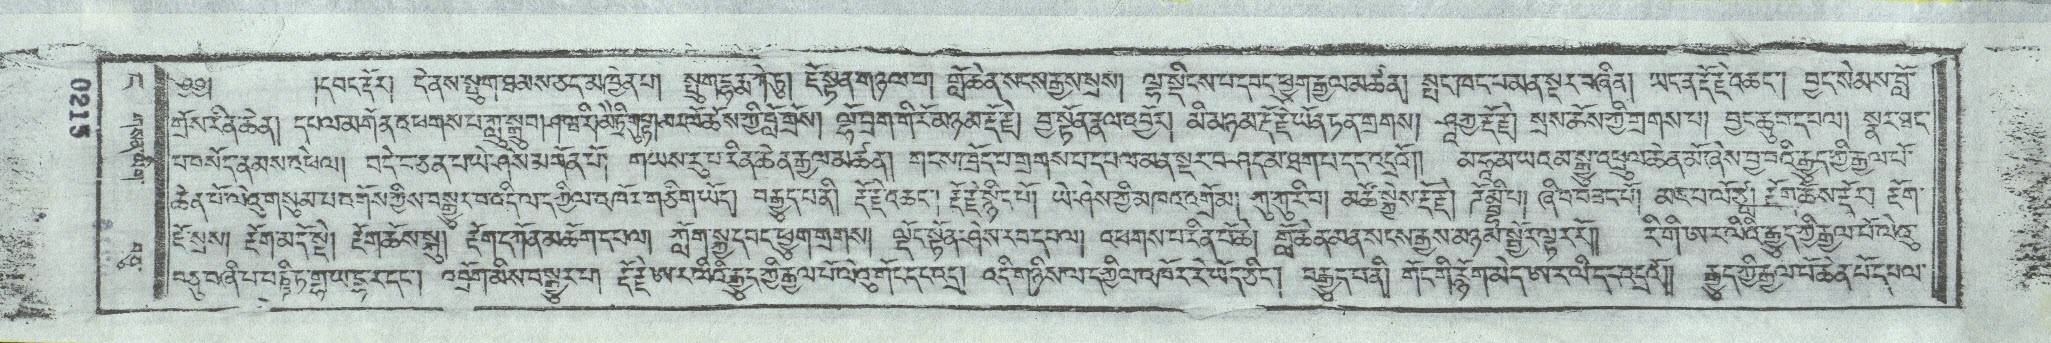༄༅། །དབང་རྡོར། དེ་ནས་སྤུག་ཐམས་ཅད་མཁྱེན་པ། སྤུག་དྷརྨ་ཀེ་ཏུ། ཇོ་སྟན་གཉལ་བ། གློ་ཆེན་སངས་རྒྱས་སྲས། ལྷ་སྡིངས་པ་དབང་ཕྱུག་རྒྱལ་མཚན། སྤང་ཁང་པ་མན་སྔར་བཞིན། ཡང་ན་རྡོ་རྗེ་འཆང་། བྱང་སེམས་བློ་
གྲོས་རིན་ཆེན། དཔལ་མགོན་འཕགས་པ་ཀླུ་སྒྲུབ། ཤ་ཝ་རི། མཻཏྲི་གུཔྟ། མར་ལོ་ཆོས་ཀྱི་བློ་གྲོས། ལྷོ་བྲག་གི་རོ་མཉམ་རྡོ་རྗེ། བྱ་སྟོན་རྣལ་འབྱོར། མི་མཉམ་རྡོ་རྗེ་ཡོན་ཏན་གྲགས། ཤཱཀྱ་རྡོ་རྗེ། སྲས་ཆོས་ཀྱི་གྲགས་པ། བྱང་ཆུབ་དཔལ། སྣར་ཐང་
པ་བསོད་ནམས་འཕེལ། བདེ་བ་ཅན་པ་ཡེ་ཤེས་མགོན་པོ། གཡས་རུ་པ་རིན་ཆེན་རྒྱལ་མཚན། གངས་ཁྲོད་པ་གྲགས་པ་དཔལ་མན་སྔར་བཤད་མ་ཐག་པ་དང་འདྲའོ།། མ་ཧཱ་མ་ཡའམ་སྒྱུ་འཕྲུལ་ཆེན་མོ་ཞེས་བྱ་བའི་རྒྱུད་ཀྱི་རྒྱལ་པོ་
ཆེན་པོ་ལེའུ་གསུམ་པ་འགོས་ཀྱིས་བསྒྱུར་བ་འདི་ལ་དཀྱིལ་འཁོར་གཅིག་ཡོད། བརྒྱུད་པ་ནི། རྡོ་རྗེ་འཆང་། རྡོ་རྗེ་སྙིང་པོ། ཡེ་ཤེས་ཀྱི་མཁའ་འགྲོ་མ། ཀུ་ཀུ་རི་པ། མཚོ་སྐྱེས་རྡོ་རྗེ། ཌོམྦྷི་པ། ཞི་བ་བཟང་པོ། མར་པ་ལོ་ཙཱ། རྔོག་ཆོས་རྡོར། རྡོག་
ཇོ་སྲས། རྡོག་མདོ་སྡེ། རྡོག་ཆོས་སྐུ། རྡོག་དཀོན་མཆོག་དཔལ། ཀློག་སྐྱ་དབང་ཕྱུག་གྲགས། ལྡོང་སྟོན་ཤེས་རབ་དཔལ། འཕགས་པ་རིན་པོ་ཆེ། གློ་ཆེན་མན་སངས་རྒྱས་མཉམ་སྦྱོར་ལྟར་རོ།། རི་གི་ཨ་ར་ལིའི་རྒྱུད་གྱི་རྒྱལ་པོ་ལེའུ་
བཅུ་བཞི་པ་པཎྜི་ཏ་གྷ་ཡ་དྷ་ར་དང་། འབྲོག་མིས་བསྒྱུར་པ། རྡོ་རྗེ་ཨ་ར་ལིའི་རྒྱུད་ཀྱི་རྒྱལ་པོ་ལེའུ་གོང་དང་འདྲ། འདི་གཉིས་ལ་དཀྱིལ་འཁོར་རེ་ཡོད་ཅིང་། བརྒྱུད་པ་ནི། གོང་གི་རྙོག་མེད་ཨ་ར་ལི་དང་འདྲའོ།། རྒྱུད་ཀྱི་རྒྱལ་པོ་ཆེན་པོ་དཔལ་